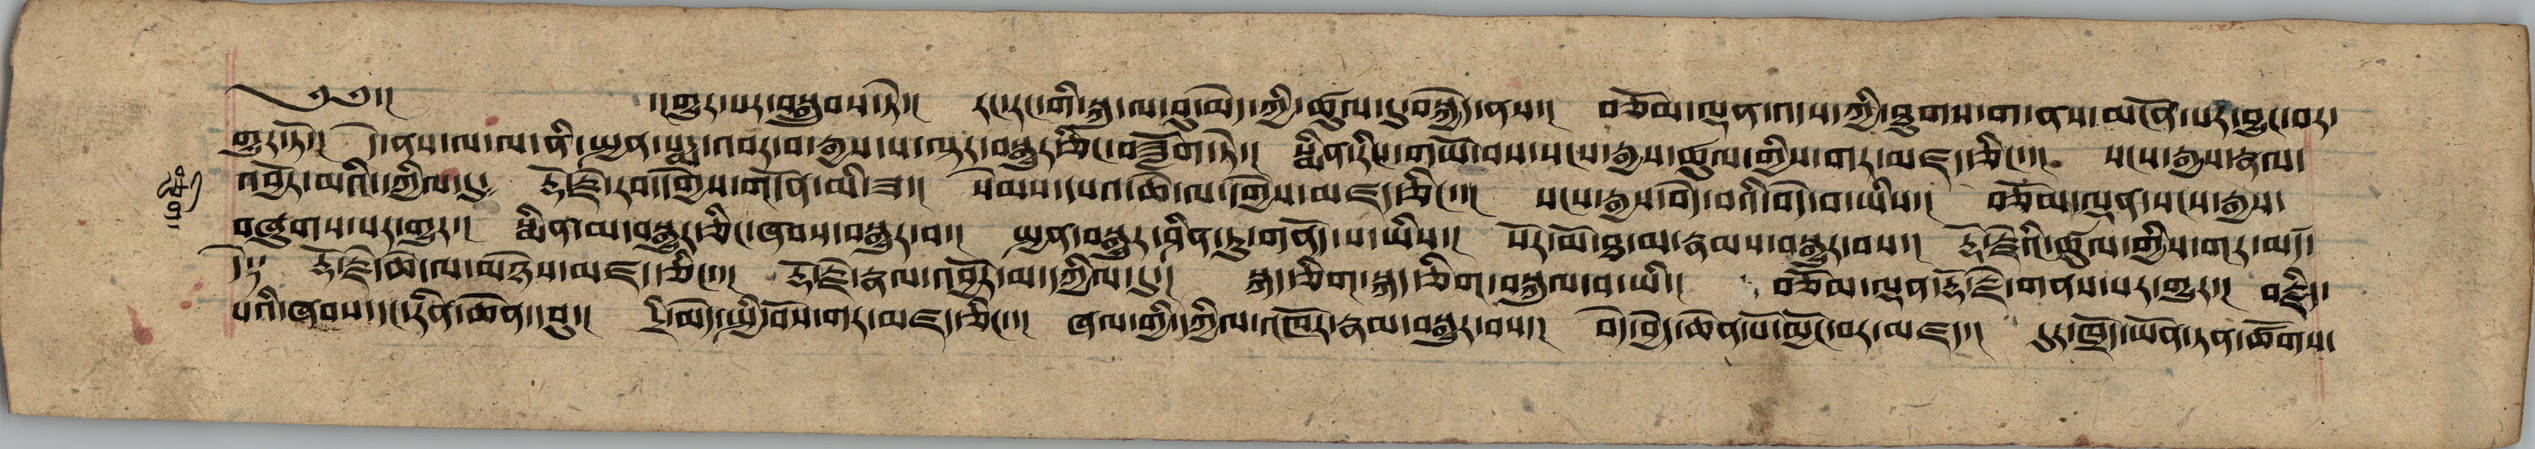་།གྱུར་པར་བསྒྲུབས་ཏེ་། རང་རང་གི་སྐུ་ལ་བུ་མེད་ཀྱི་ཚུལ་དུ་བསྐྱེད་ནས་། བཅོམ་ལྡན་འདས་ཀྱི་ཐུགས་ག་ནས་མངོན་པར་བྱུང་བར་
གྱུར་ཏོ་། དེ་ནས་ལ་ལ་ནི་སྤྱན་པདྨ་འབར་བ་རྒྱས་པ་ལྟར་བསྒྱུར་ཅིང་བཟློག་ཏེ་། སྨིན་རིང་གཡོ་བས་སངས་རྒྱས་ཚུལ་གྱིས་གར་མཛད་ཅིང་་། སངས་རྒྱས་རྣལ་
འབྱོར་མའི་དཀྱིལ་དུ༴ རྡོ་རྗེ་རབ་དགྱེས་གདོན་མི་ཟ་། སེམས་དཔའ་ཆེ་ལ་དགྱེས་མཛད་ཅིང་་། སངས་རྒྱས་བདེ་བའི་བདེ་བ་ཡིས་། བཅོམ་ལྡན་སངས་རྒྱས་
བཞུགས་པར་གྱུར་། སྨིན་མ་བསྒྱུར་ཅིང་ཞབས་བསྒྱུར་བ་། སྤྱན་བསྒྱུར་ཤིན་ཏུ་གནོད་པ་ཡིས་། སོར་མོ་ཐ་མ་རྣམས་བསྒྱུར་བས་། རྡོ་རྗེའི་ཚུལ་གྱིས་གར་མཛད་
དེ༑ རྡོ་རྗེ་ཆེ་ལ་མཉེས་མཛད་ཅིང་་། རྡོ་རྗེ་རྣལ་འབྱོར་མ་དཀྱིལ་དུ་། སྐད་ཅིག་སྐད་ཅིག་བསྐུལ་བ་ཡི་། བཅོམ་ལྡན་རྡོ་རྗེ་གནས་པར་གྱུར་། བརྗིད་
པའི་ཞབས་དང་རིན་ཆེན་དབུ་། དྲི་མེད་སྤྱི་བོས་གར་མཛད་ཅིང་་། ཞལ་གྱི་དཀྱིལ་འཁོར་རྣམ་བསྒྱུར་བས་། བདེ་བྱེད་ཆེན་པོ་མྱོང་བར་མཛད་། དུར་ཁྲོད་ཡོན་ཏན་ཚོགས་